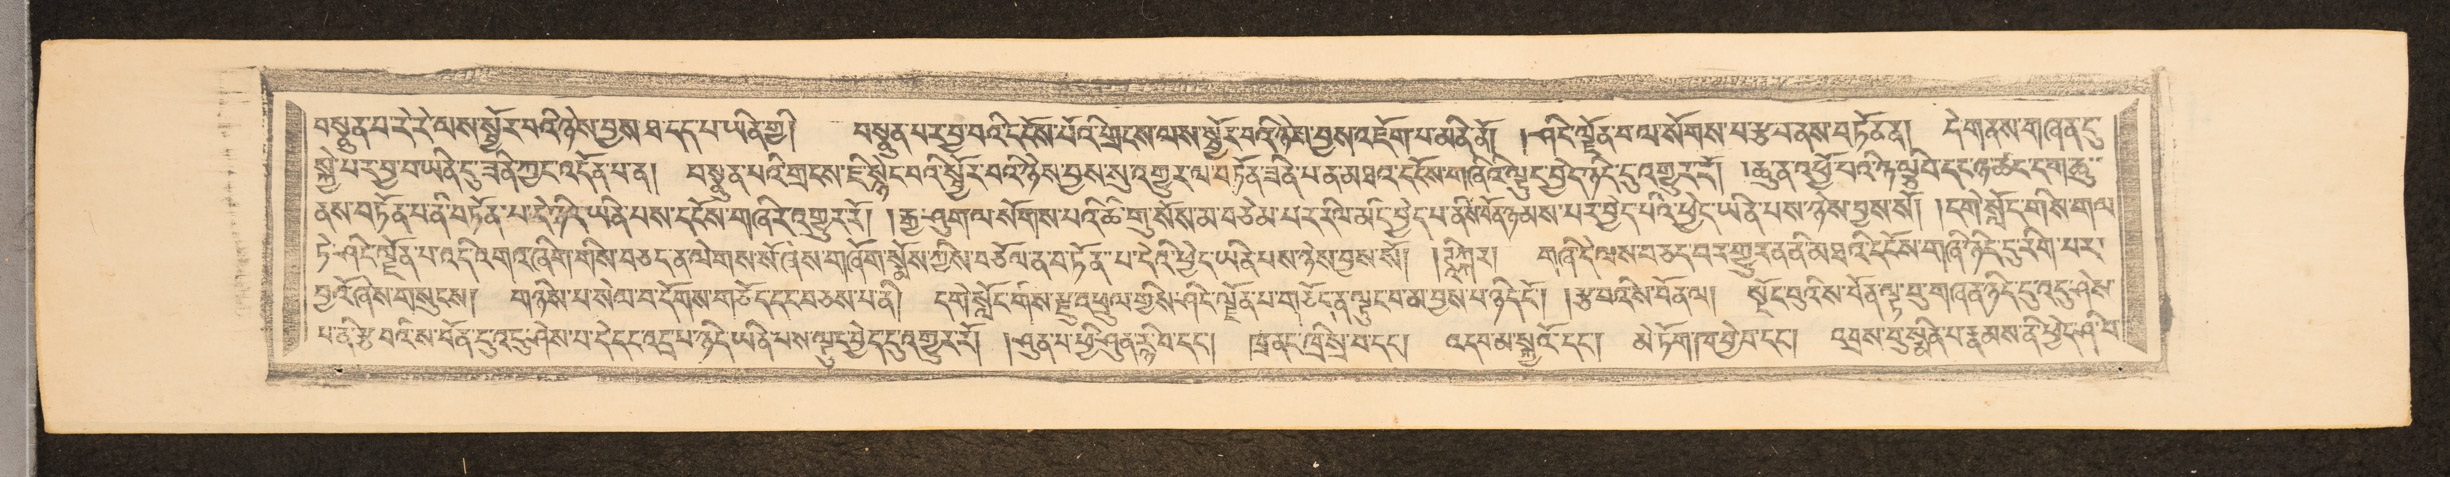བསྣུན་པ་རེ་རེ་ལས་སྦྱོར་བའི་ཉེས་བྱས་ཐ་དད་པ་ཡིན་གྱི། བསྣུན་པར་བྱ་བའི་དངོས་པོའི་གྲངས་ལས་སྦྱོར་བའི་ཉེས་བྱས་འཇོག་པ་མིན་ནོ། །ཤིང་ལྗོན་པ་ལ་སོགས་པ་རྩ་བ་ནས་བཏོན་ན། དེ་གནས་གཞན་དུ་
སྐྱེ་བར་བྱ་བ་ཡིན་དུ་ཟིན་ཀྱང་འདོན་པ་ན། བསྣུན་པའི་གྲངས་ཇི་སྙེད་བའི་སྦྱོར་བའི་ཉེས་བྱས་སུ་འགྱུར་ལ་བཏོན་ཟིན་པ་ན་མཐའ་དངོས་གཞིའི་ལྟུང་བྱེད་ཉིད་དུ་འགྱུར་རོ། །ཆུ་ན་འཕྱོ་བའི་ཉ་ལྕིབ་དང་ཉ་ཚང་དག་ཆུ་
ནས་བཏོན་བ་ནི་བཏོན་པ་དེ་ཉིད་ཡིན་པས་དངོས་གཞིར་འགྱུར་རོ། །རྒྱ་ཤུག་ལ་སོགས་པའི་ཚི་གུ་སོས་མ་བཅེམ་པར་རིལ་མིང་བྱེད་པ་ནི་ས་བོན་ཉམས་པར་བྱེད་པའི་ཕྱེད་ཡིན་པས་ཉེས་བྱས་སོ། །དགེ་སློང་གིས་གལ་
ཏེ་ཤིང་ལྗོན་པ་འདི་འགའ་ཞིག་གིས་བཅང་ན་ལེགས་སོ་ཞེས་གཞོག་སྨོས་ཀྱིས་བཅོལ་ན་བ་ཏོན་པ་དེའི་ཕྱེད་ཡིན་པས་ཉེས་བྱས་སོ། །ཊཱིཀྐར། གཞི་དེ་ལས་བཅད་པར་གྱུར་ན་ནི་མཐའི་དངོས་གཞི་ཉིད་དུ་རིག་པར་
བྱའོ་ཞེས་གསུངས། གཉིས་པ་སེལ་བ་དོགས་གཅོད་དང་བཅས་པ་ནི། དགེ་སློང་གིས་རྫུ་འཕྲུལ་གྱིས་ཤིང་ལྗོན་པ་གཅོད་ན་ལྟུང་བ་མ་བྱས་པ་ཉིད་དོ། །རྩ་བའི་ས་བོན་ལ། སྡོང་བུའི་ས་བོན་ལྟ་བུ་གཞན་ཉིད་དུ་འདུ་ཤེས་
པ་ནི་རྩ་བའི་ས་བོན་དུ་འདུ་ཤེས་པ་དེ་དང་འདྲ་བ་ཉིད་ཡིན་པས་ལྟུང་བྱེད་དུ་འགྱུར་རོ། །ཤུན་པ་ཕྱི་ཤུན་རྙི་བ་དང་། ཁྲི་ནང་ཁྲི་སྲ་བ་དང་། འདབ་མ་སྐྱའོ་དང་། མེ་ཏོག་ཁ་བྱེ་བ་དང་། འབྲས་བུ་སྨིན་པ་རྣམས་ནི་ཕྱེད་ཤི་བ་